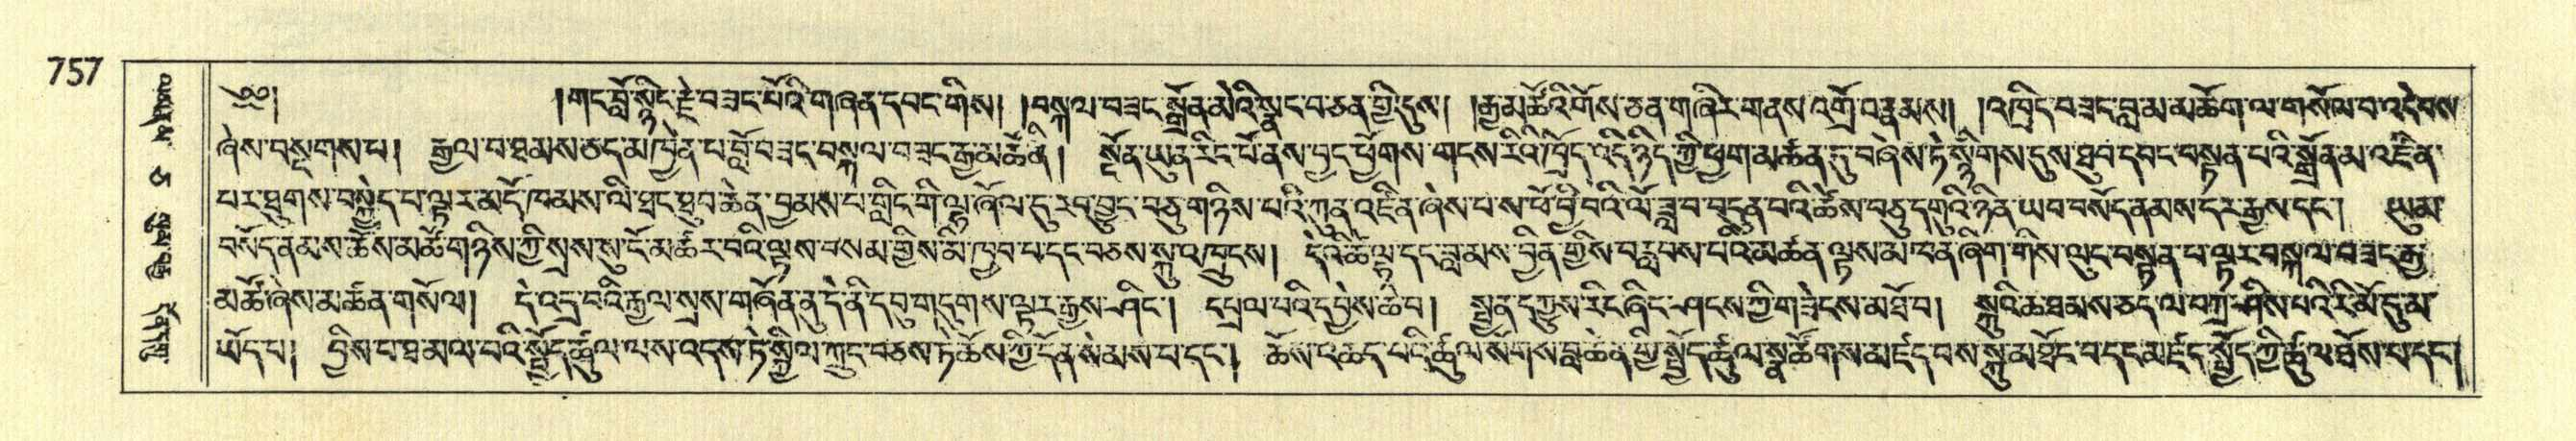༄༅། །གང་བློ་སྙིང་རྗེ་བཟང་པོའི་གཞན་དབང་གིས། །བསྐལ་བཟང་སྒྲོན་མེའི་སྣང་བ་ཅན་གྱི་དུས། །རྒྱ་མཚོའི་གོས་ཅན་གཞིར་གནས་འགྲོ་བ་རྣམས། །འཁྲིད་བཟང་བླ་མ་མཆོག་ལ་གསོལ་བ་འདེབས་
ཞེས་བསྔགས་པ། རྒྱལ་བ་ཐམས་ཅད་མཁྱེན་པ་བློ་བཟང་བསྐལ་བཟང་རྒྱ་མཚོ་ནི། སྔོན་ཡུན་རིང་པོ་ནས་བྱང་ཕྱོགས་གངས་རིའི་ཁྲོད་འདི་ཉིད་ཀྱི་ཕྱག་མཚན་དུ་བཞེས་ཏེ་སྙིགས་དུས་ཐུབ་དབང་བསྟན་པའི་སྒྲོན་མ་འཛིན་
པར་ཐུགས་བསྐྱེད་པ་ལྟར་མདོ་ཁམས་ལི་ཐང་ཐུབ་ཆེན་བྱམས་པ་གླིང་གི་ལྷ་ཞོལ་དུ་རབ་བྱུང་བཅུ་གཉིས་པའི་ཀུན་འཛིན་ཞེས་པ་ས་ཕོ་བྱི་བའི་ལོ་ཟླ་བ་བདུན་བའི་ཚེས་བཅུ་དགུའི་ཉིན་ཡབ་བསོད་ནམས་དར་རྒྱས་དང་། ཡུམ་
བསོད་ནམས་ཆོས་མཚོ་གཉིས་ཀྱི་སྲས་སུ་ངོ་མཚར་བའི་ལྟས་བསམ་གྱིས་མི་ཁྱབ་པ་དང་བཅས་སྐུ་འཁྲུངས། དེའི་ཚེ་ལྷ་དང་བླ་མས་བྱིན་གྱིས་བརླབས་པའི་མཚན་ལྟས་མཁན་ཞིག་གིས་ལུང་བསྟན་པ་ལྟར་བསྐལ་བཟང་རྒྱ་
མཚོ་ཞེས་མཚན་གསོལ། དེ་འདྲ་བའི་རྒྱལ་སྲས་གཞོན་ནུ་དེ་ནི་དབུ་གདུགས་ལྟར་རྒྱས་ཤིང་། དཔྲལ་བའི་དབྱེས་ཆེ་བ། སྤྱན་དཀྱུས་རིང་ཞིང་ཤངས་ཀྱི་གཟེངས་མཐོ་བ། སྐུའི་ཆ་ཐམས་ཅད་ལ་བཀྲ་ཤིས་པའི་རི་མོ་དུ་མ་
ཡོད་པ། བྱིས་པ་ཐ་མལ་བའི་སྤྱོད་ཚུལ་ལས་འདས་ཏེ་སྐྱིལ་ཀྲུང་བཅས་ཏེ་ཆོས་ཀྱི་དོན་སེམས་པ་དང་། ཆོས་འཆད་པའི་ཚུལ་སོགས་བླ་ཆེན་གྱི་སྤྱོད་ཚུལ་སྣ་ཚོགས་མཛད་བས་སྐུ་མཐོང་བ་དང་མཛད་སྤྱོད་ཀྱི་ཚུལ་ཐོས་པ་དང་།